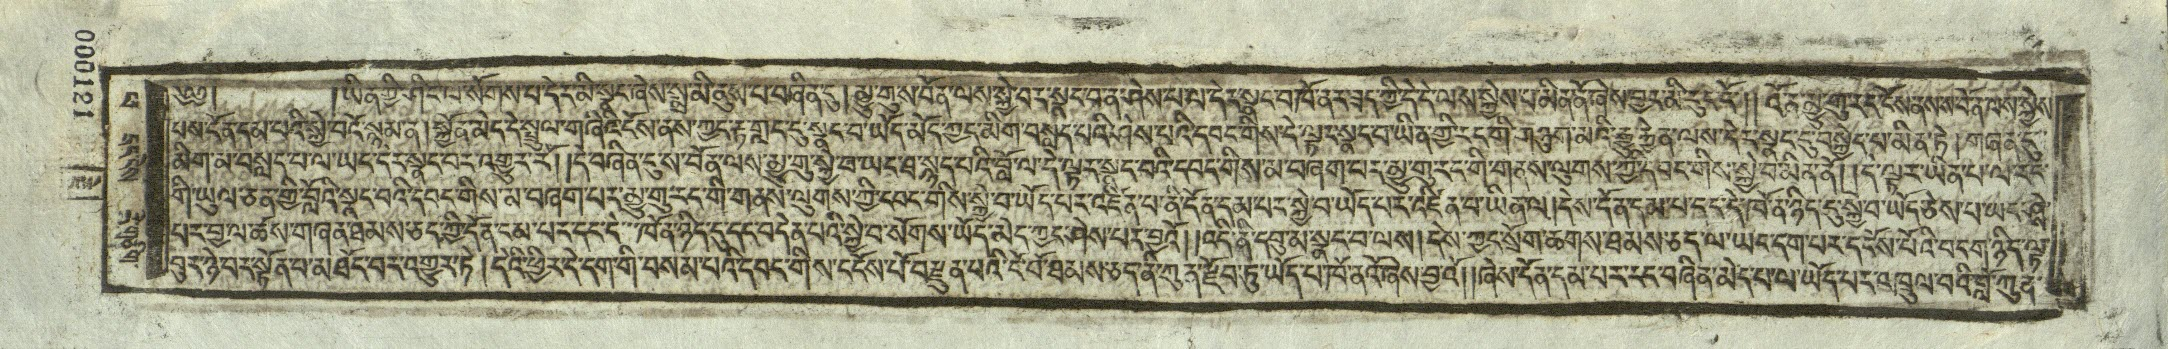༄༅། །ཡིན་གྱི་ཤིང་ལ་སོགས་པ་དེར་མི་སྣང་ཞེས་སྨྲ་མི་ནུས་པ་བཞིན་དུ། མྱུ་གུས་བོན་ལས་སྐྱེ་བར་སྣང་བ་ན་ཤེས་པ་ལ་དེར་སྣང་བ་ཁོ་ནར་ཟད་ཀྱི་དེ་དེ་ལས་སྐྱེས་པ་མིན་ནོ་ཞེས་བྱར་མི་རུང་ངོ། །འོ་ན་མྱུ་གུ་རང་ངོས་ནས་ས་བོན་ལས་སྐྱེས་
པས་དོན་དམ་པའི་སྐྱེ་བའོ་སྙམ་ན། སྐྱོན་མེད་དེ་སྤྲུལ་གཞིའི་ངོས་ནས་ཀྱང་རྟ་གླང་དུ་སྣང་བ་ཡོད་མོད་ཀྱང་མིག་བསླད་པའི་ཤེས་པའི་དབང་གིས་དེ་ལྟར་སྣང་བ་ཡིན་གྱི་རང་གི་གཉུག་མའི་རྒྱུ་རྐྱེན་ལས་དེར་སྣང་དུ་བསྐྱེད་པ་མིན་ཏེ། གཞན་དུ་
མིག་མ་བསླད་པ་ལ་ཡང་དེར་སྣང་བར་འགྱུར་རོ། །དེ་བཞིན་དུ་ས་བོན་ལས་མྱུ་གུ་སྐྱེ་བ་ཡང་ཐ་སྙད་པའི་བློ་ལ་དེ་ལྟར་སྣང་བའི་དབང་གིས་མ་བཞག་པར་མྱུ་གུ་རང་གི་གནས་ལུགས་ཀྱི་དབང་གིས་སྐྱེ་བ་མིན་ནོ། །དེ་ལྟར་ཡིན་པ་ལ་རང་
གི་ཡུལ་ཅན་གྱི་བློའི་སྣང་བའི་དབང་གིས་མ་བཞག་པར་མྱུ་གུ་རང་གི་གནས་ལུགས་ཀྱི་དབང་གིས་སྐྱེ་བ་ཡོད་པར་འཛིན་པ་ནི་དོན་དམ་པར་སྐྱེ་བ་ཡོད་པར་འཛིན་པ་ཡིན་ལ། དེས་དོན་དམ་པ་དང་དེ་ཁོ་ན་ཉིད་དུ་སྐྱེ་བ་ཡོད་ཅེས་པ་ཡང་ཤེས་
པར་བྱ་ལ་ཆོས་གཞན་ཐམས་ཅད་ཀྱི་དོན་དམ་པར་དང་དེ་ཁོ་ན་ཉིད་དུ་དང་བདེན་པའི་སྐྱེ་བ་སོགས་ཡོད་མེད་ཀྱང་ཤེས་པར་བྱའོ། །འདི་ནི་དབུ་མ་སྣང་བ་ལས། དེས་ཀྱང་སྲོག་ཆགས་ཐམས་ཅད་ལ་ཡང་དག་པར་དངོས་པོའི་བདག་ཉིད་ལྟ་
བུར་ཉེ་བར་སྟོན་པ་མཐོང་བར་འགྱུར་ཏེ། དེའི་ཕྱིར་དེ་དག་གི་བསམ་པའི་དབང་གིས་དངོས་པོ་བརྫུན་པའི་ངོ་བོ་ཐམས་ཅད་ནི་ཀུན་རྫོབ་ཏུ་ཡོད་པ་ཁོ་ནའོ་ཞེས་བྱའོ། །ཞེས་དོན་དམ་པར་རང་བཞིན་མེད་པ་ལ་ཡོད་པར་འཁྲུལ་བའི་ཀློ་ཀུན་